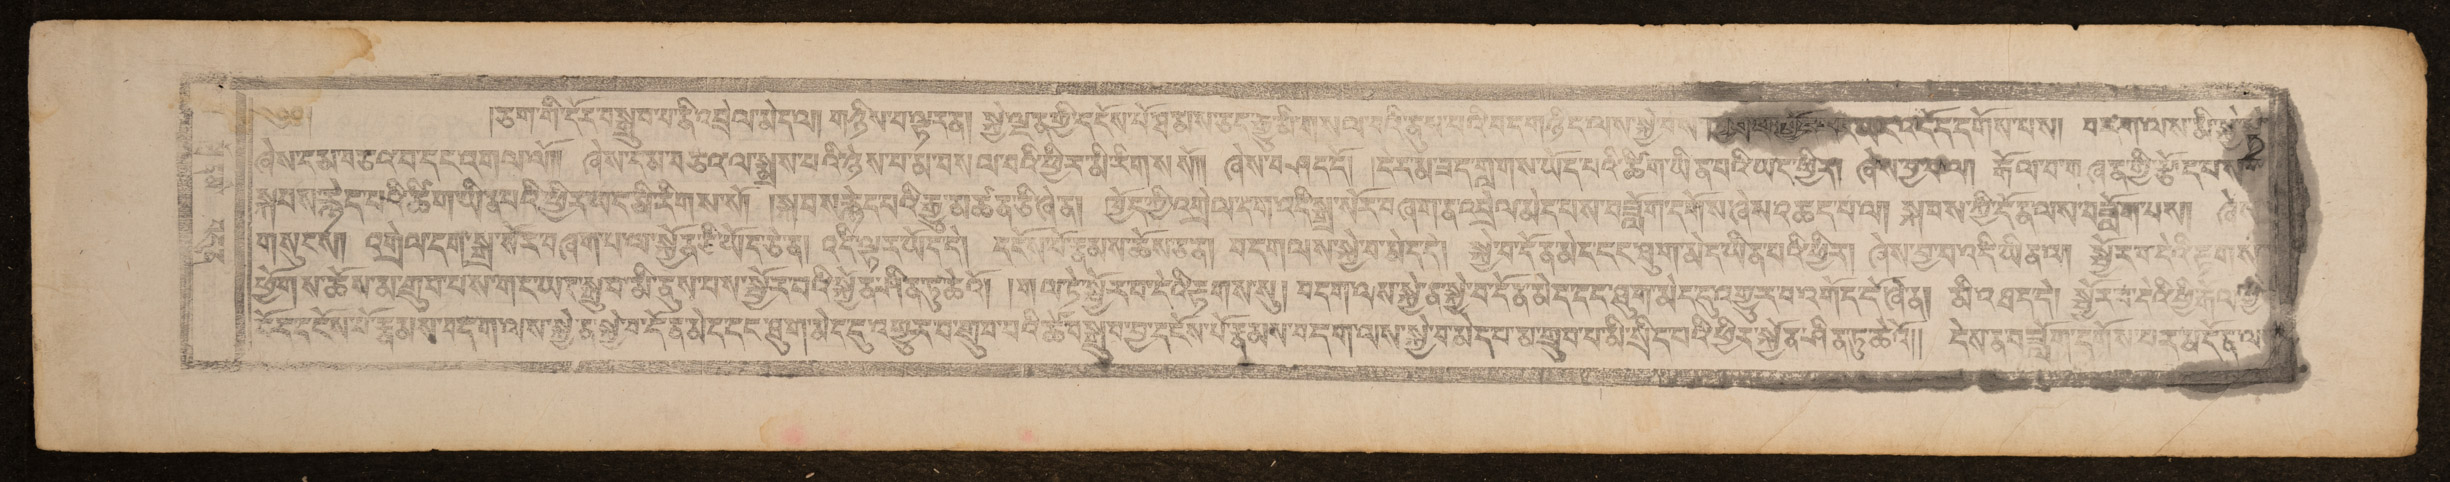༄༅། །ཅག་གི་ངོར་བསྒྲུབ་པ་ནི་འབྲེལ་མེད་ལ། གཉིས་པ་ལྟར་ན། སྐྱེ་ལྡན་གྱི་དངོས་པོ་ཐམས་ཅད་རྒྱུ་མི་གསལ་བའི་ནུས་པའི་བདག་ཉིད་ལས་སྐྱེ་བས་ཁྱབ་པ་ཁྱོད་རང་ཡང་འདོད་དགོས་པས། བདག་ལས་མི་སྐྱེ་སྟེ་
ཞེས་དམ་བཅའ་བ་དང་འགལ་ལོ། །ཞེས་དམ་བཅའ་ལ་སྨྲས་པའི་ཉེས་པ་མ་བསལ་བའི་ཕྱིར་མི་རིགས་སོ། །ཞེས་བཤད་དོ། །དེར་མ་ཟད་གླགས་ཡོད་པའི་ཚིག་ཡིན་པའི་ཡང་ཕྱིར། ཞེས་བྱ་བ་ལ། རྒོལ་པ་གཞན་གྱི་རྩོད་པས་
སྐབས་རྙེད་པའི་ཚིག་ཡིན་པའི་ཕྱིར་ཡང་མི་རིགས་སོ། །སྐབས་རྙེད་པའི་རྒྱུ་མཚན་ཅི་ཞེ་ན། ཁྱོད་ཀྱི་འགྲེལ་ངག་?་འདི་སྒྲ་སོར་བཞག་ན་འབྲེལ་མེད་པས་བཟློག་དགོས་ཞེས་འཆད་པ་ལ། སྐབས་ཀྱི་དོན་ལས་བཟློག་པས། ཞེས་
གསུངས། འགྲེལ་ངག་སྒྲ་སོར་བཞག་པ་ལ་སྐྱོན་ཅི་ཡོད་ཅེ་ན། འདི་ལྟར་ཡོད་དེ། དངོས་པོ་རྣམས་ཆོས་ཅན། བདག་ལས་སྐྱེ་བ་མེད་དེ། སྐྱེ་བ་དོན་མེད་དང་ཐུག་མེད་ཡིན་པའི་ཕྱིར། ཞེས་བྱ་བ་འདི་ཡིན་ལ། སྦྱོར་བ་དེའི་རྟགས་སཾ་
ཕྱོགས་ཆོས་མ་གྲུབ་པས་གང་ཡང་སྒྲུབ་མི་ནུས་པས་སྦྱོར་བའི་སྐྱོན་ཤིན་ཏུ་ཆེའོ། །གལ་ཏེ་སྦྱོར་བ་དེའི་རྟགས་སུ། བདག་ལས་སྐྱེ་ན་སྐྱེ་བ་དོན་མེད་དང་ཐུག་མེད་དུ་འགྱུར་བ་འགོད་དོ་ཞེ་ན། མི་འཐད་དེ། སྦྱོར་བ་དེའི་ཕྱི་རྒོལ་གྱི་
ངོར་དངོས་པོ་རྣམས་བདག་ལས་སྐྱེ་ན་སྐྱེ་བ་དོན་མེད་དང་ཐུག་མེད་དུ་འགྱུར་བ་གྲུབ་པའི་ཚེ་བསྒྲུབ་བྱ་དངོས་པོ་རྣམས་བདག་ལས་སྐྱེ་བ་མེད་པ་མ་གྲུབ་པ་མི་སྲིད་པའི་ཕྱིར་སྐྱོན་ཤིན་ཏུ་ཆེའོ། །དེས་ན་བཟློག་དགོས་པར་མངོན་ལ་